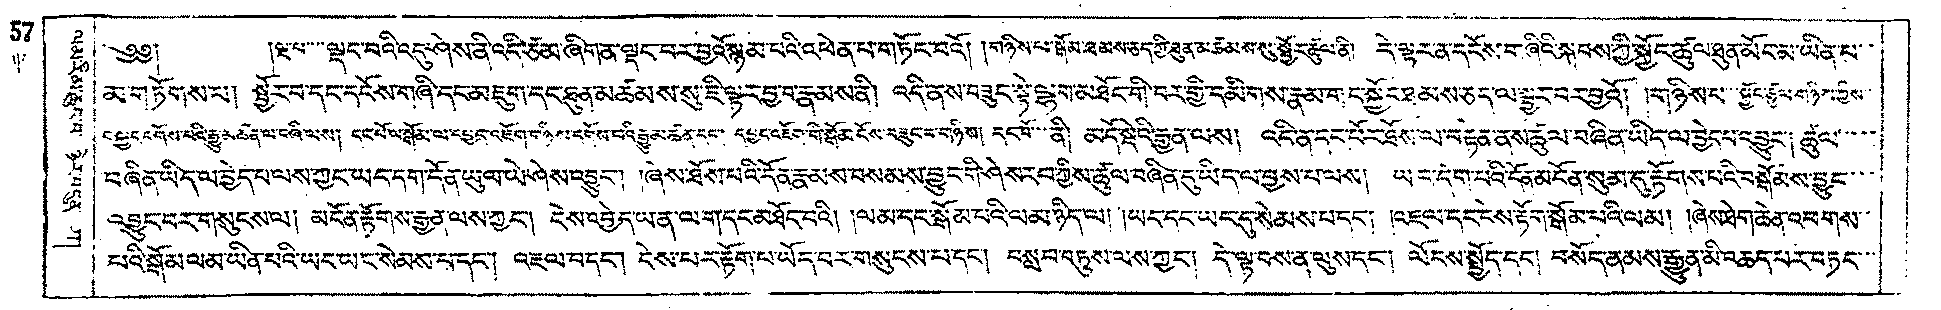༄༅། ། ལྔ་པལྡང་བའི་འདུ་ཤེས་ནི་འདི་ཙམ་ཞིག་ན་ལྡང་བར་བྱའོ་སྙམ་པའི་འཕེན་པ་གཏོང་བའོ། ། གཉིས་པ་སྒོམ་ཐམས་ཅད་ཀྱི་ཐུན་མཚམས་སུ་སྦྱོར་ཚུལ་ནི། དེ་ལྟར་ན་དངོས་གཞིའི་སྐབས་ཀྱི་སྐྱོང་ཚུལ་ཐུན་མོང་མ་ཡིན་པ་
མ་གཏོགས་པ། སྦྱོར་བ་དང་དངོས་གཞི་དང་མཇུག་དང་ཐུན་མཚམས་སུ་ཇི་ལྟར་བྱ་བ་རྣམས་ནི། འདི་ནས་བཟུང་སྟེ་ལྷག་མཐོང་གི་བར་གྱི་དམིགས་རྣམ་གང་སྐྱོང་ཐམས་ཅད་ལ་སྦྱར་བར་བྱའོ། །གཉིས་པསྐྱོང་ཚུལ་གཉིས་ཀྱིས་
བསྐྱང་དགོས་པའི་རྒྱུ་མཚན་ལ་བཞི་ལས། དང་པོ་ལ་སྒོམ་ལ་དཔྱད་འཇོག་གཉིས་དགོས་པའི་རྒྱུ་མཚན་དང་། དཔྱད་འཇོག་གི་སྒོམ་ངོས་བཟུང་བ་གཉིས། དང་པོནི། མདོ་སྡེའི་རྒྱན་ལས། འདི་ན་དང་པོར་ཐོས་ལ་བརྟེན་ནས་ཚུལ་བཞིན་ཡིད་ལ་བྱེད་པ་འབྱུང་། ཚུལ་
བཞིན་ཡིད་ལ་བྱེད་པ་ལས་ཀྱང་ཡང་དག་དོན་ཡུལ་ཡེ་ཤེས་འབྱུང་། །ཞེས་ཐོས་པའི་དོན་རྣམས་བསམས་བྱུང་གི་ཤེས་རབ་ཀྱིས་ཚུལ་བཞིན་དུ་ཡིད་ལ་བྱས་པ་ལས། ཡང་དག་པའི་དོན་མངོན་སུམ་དུ་རྟོགས་པའི་བསྒོམས་བྱུང་
འབྱུང་བར་གསུངས་ལ། མངོན་རྟོགས་རྒྱན་ལས་ཀྱང་། ངེས་འབྱེད་ཡན་ལག་དང་མཐོང་བའི། །ལམ་དང་སྒོམ་པའི་ལམ་ཉིད་ལ། །ཡང་དང་ཡང་དུ་སེམས་པ་དང་། །འཇལ་དང་ངེས་རྟོག་སྒོམ་པའི་ལམ། །ཞེས་ཐེག་ཆེན་འཕགས་
པའི་སྒོམ་ལམ་ཡིན་པའི་ཡང་ཡང་སེམས་པ་དང་། འཇལ་བ་དང་། ངེས་པར་རྟོག་པ་ཡོད་པར་གསུངས་པ་དང་། བསླབ་བཏུས་ལས་ཀྱང་། དེ་ལྟ་བས་ན་ལུས་དང་། ལོངས་སྤྱོད་དང་། བསོད་ནམས་རྒྱུན་མི་འཆད་པར་བཏང་